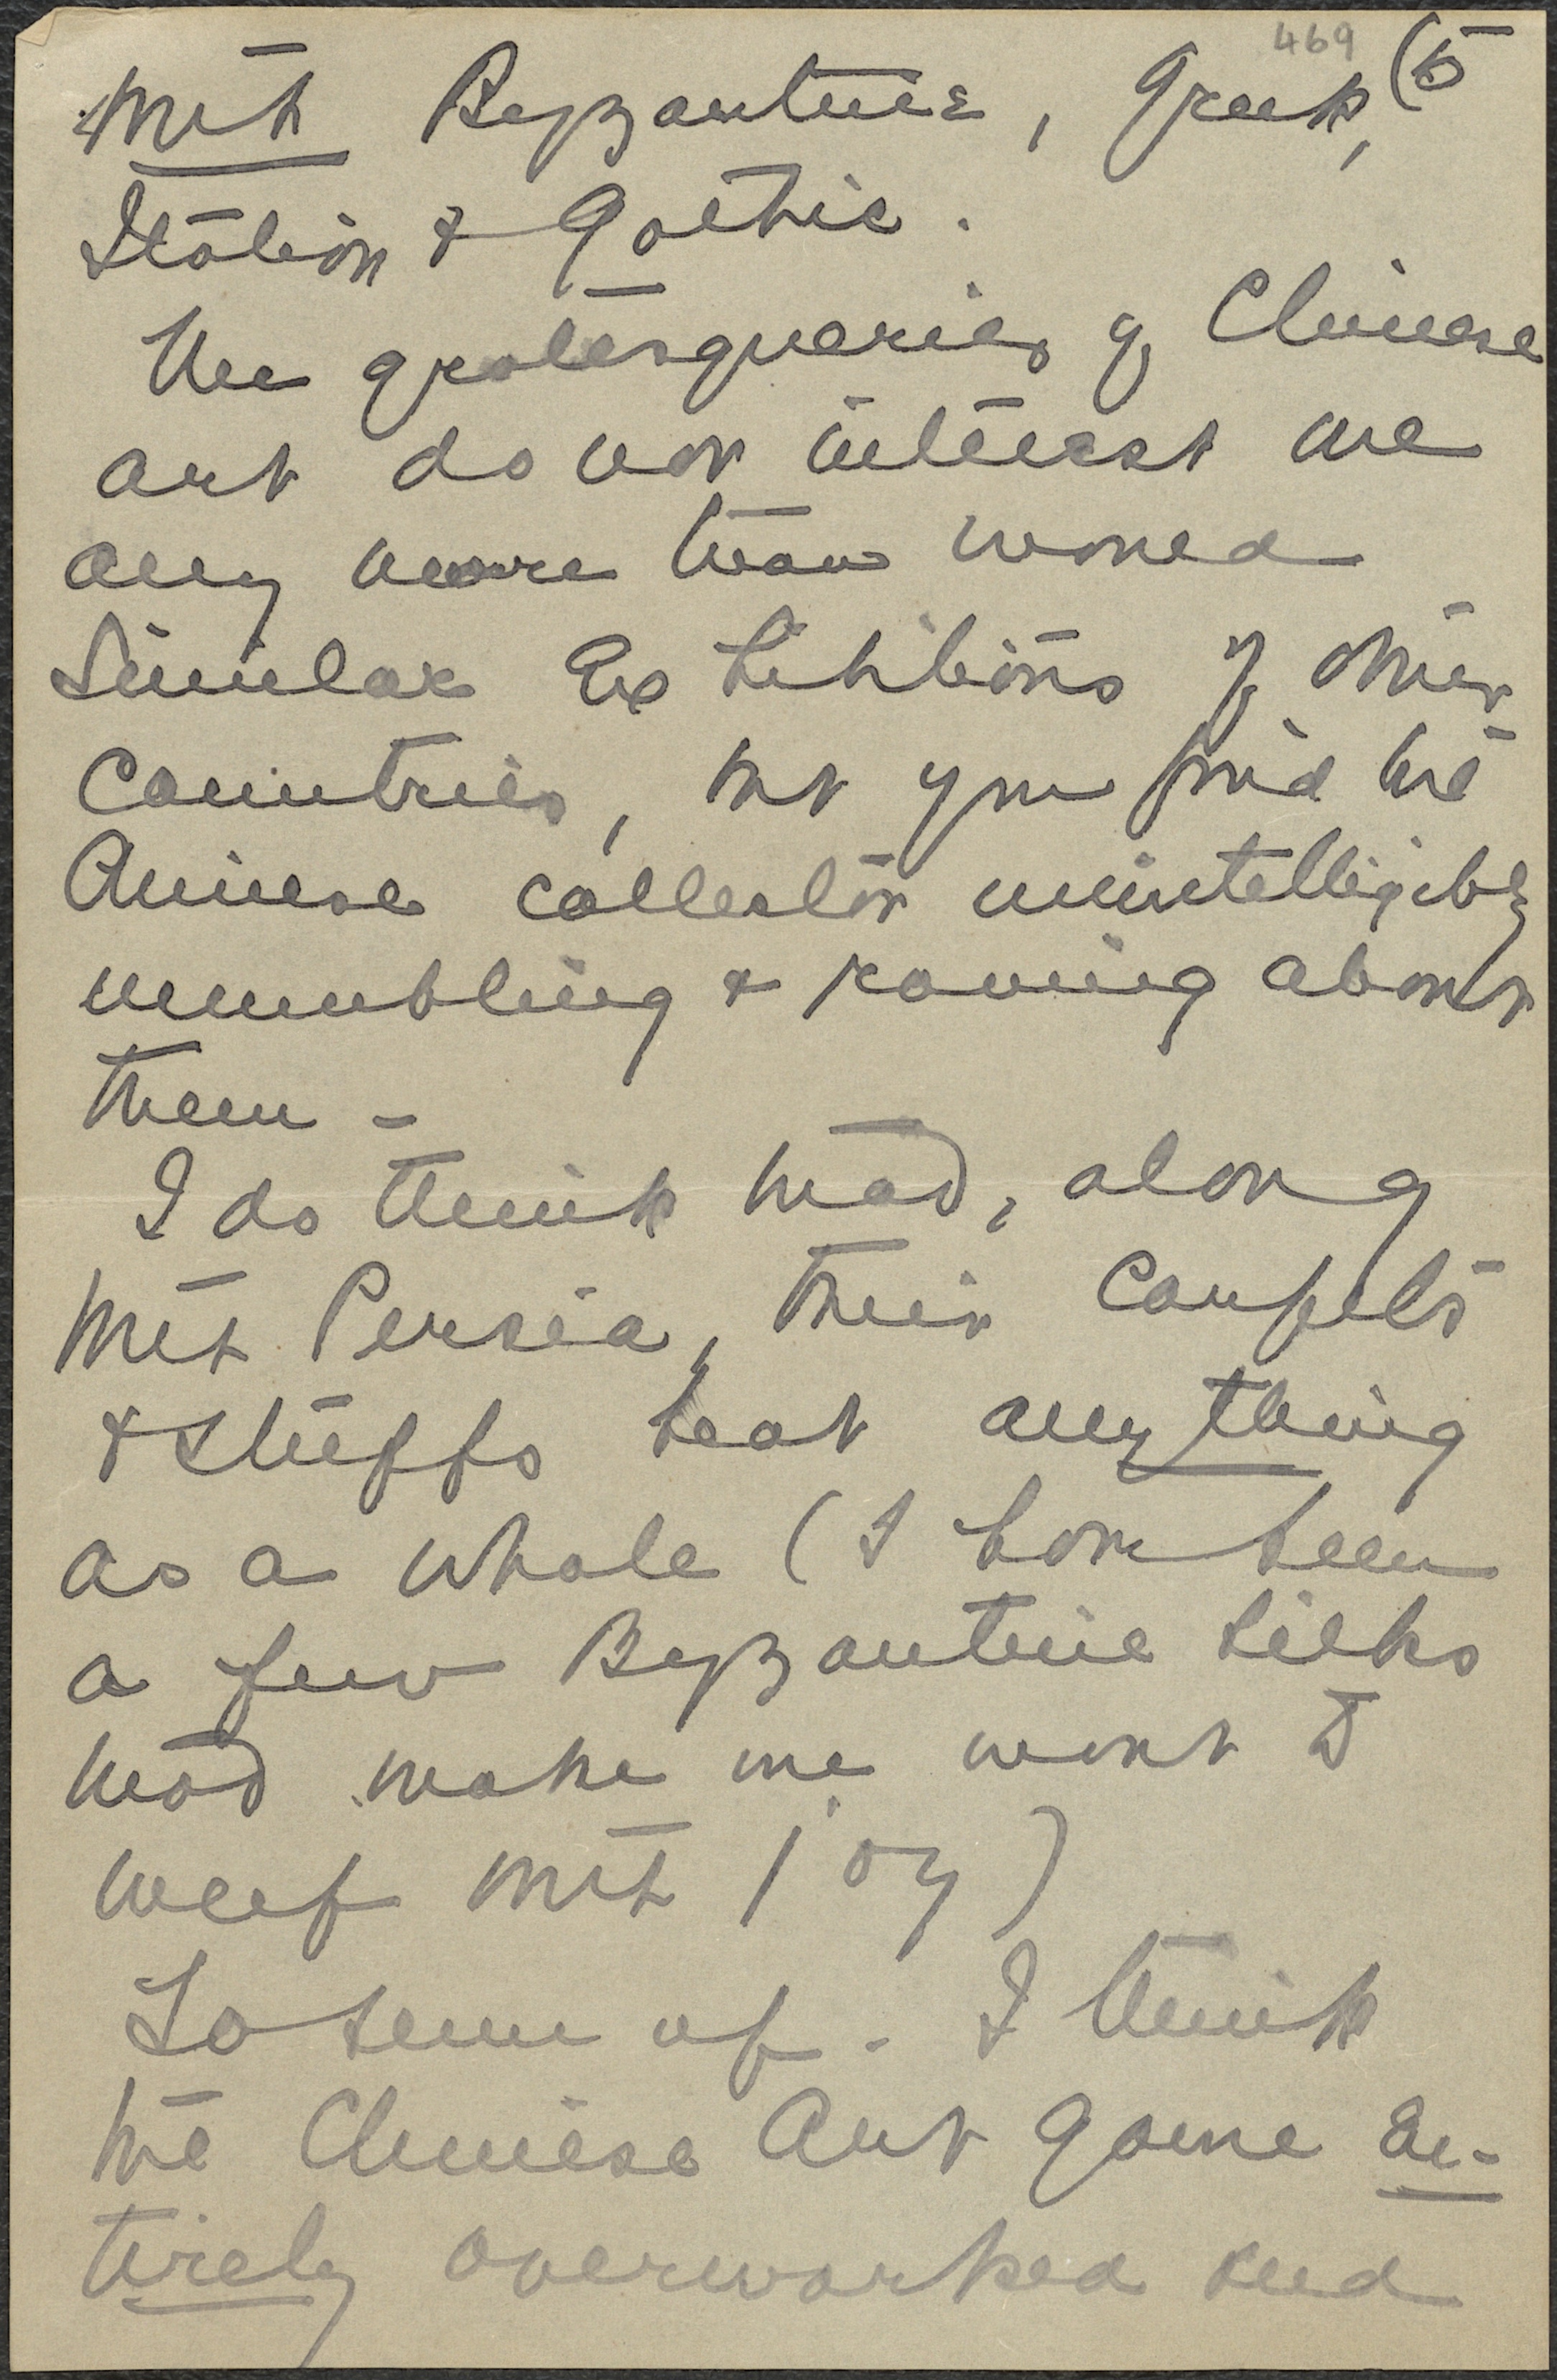with Byzantine, Greek, Italian & Gothic.
The grotesqueries of Chinese art do not interest me any more than would similar exhibitions of other countries, but you find the Chinese collector unintelligibly mumbling & raving about them –
I do think that, along wit [sic] Persia, their carpets & stuffs beat anything as a whole (I have seen a few Byzantine silks that make me want to weep with joy)
To sum up – I think the Chinese art game entirely overworked and